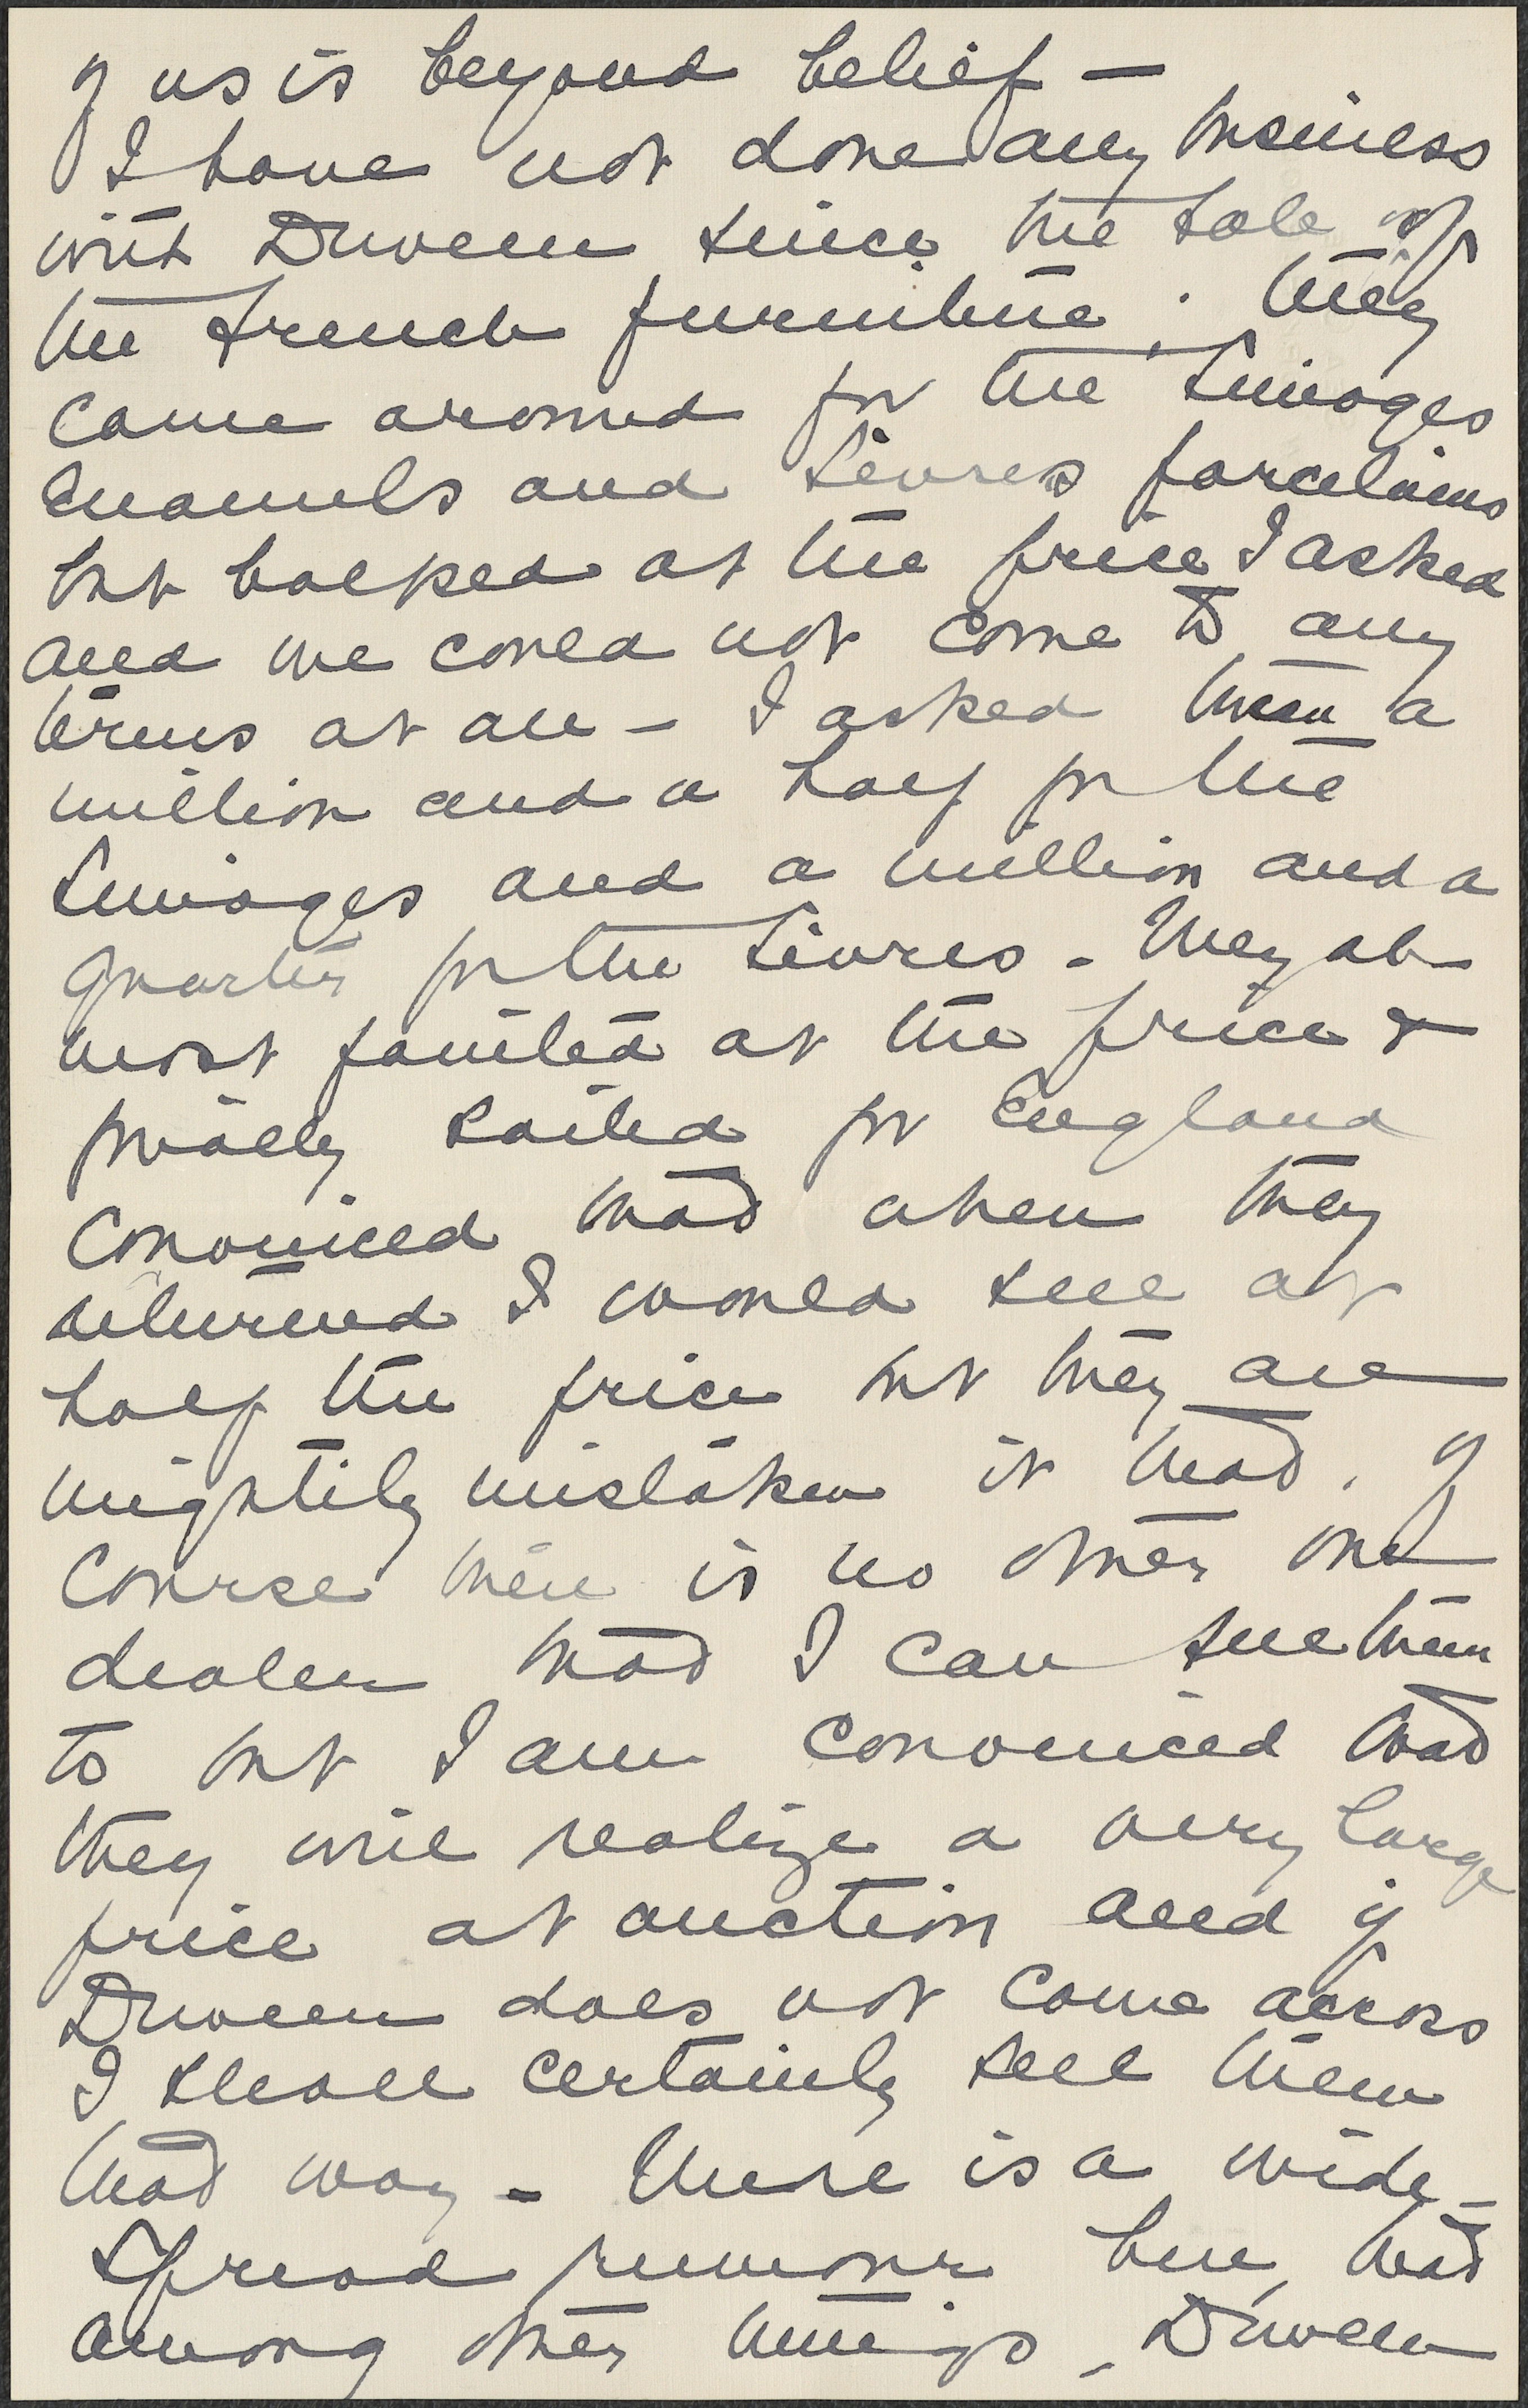of us is beyond belief –
I have not done any business with Duveen since the sale of the French furniture: they came around for the Limoges enamels and Lèvres porcelains but balked at the price I asked and we could not come to any terms at all – I asked them a million and a half for the Limoges and a million and a quarter for the Lèvres – They almost fainted at the price & finally sailed for England convinced that when they returned I would sell at half the price but they are mightily mistaken in that. Of course there is no other one dealer that I can sell them to but I am convinced that they will realize a very large price at auction and if Duveen does not come across I shall certainly sell them that way – There is a widespread rumour here, that among other things, Duveen